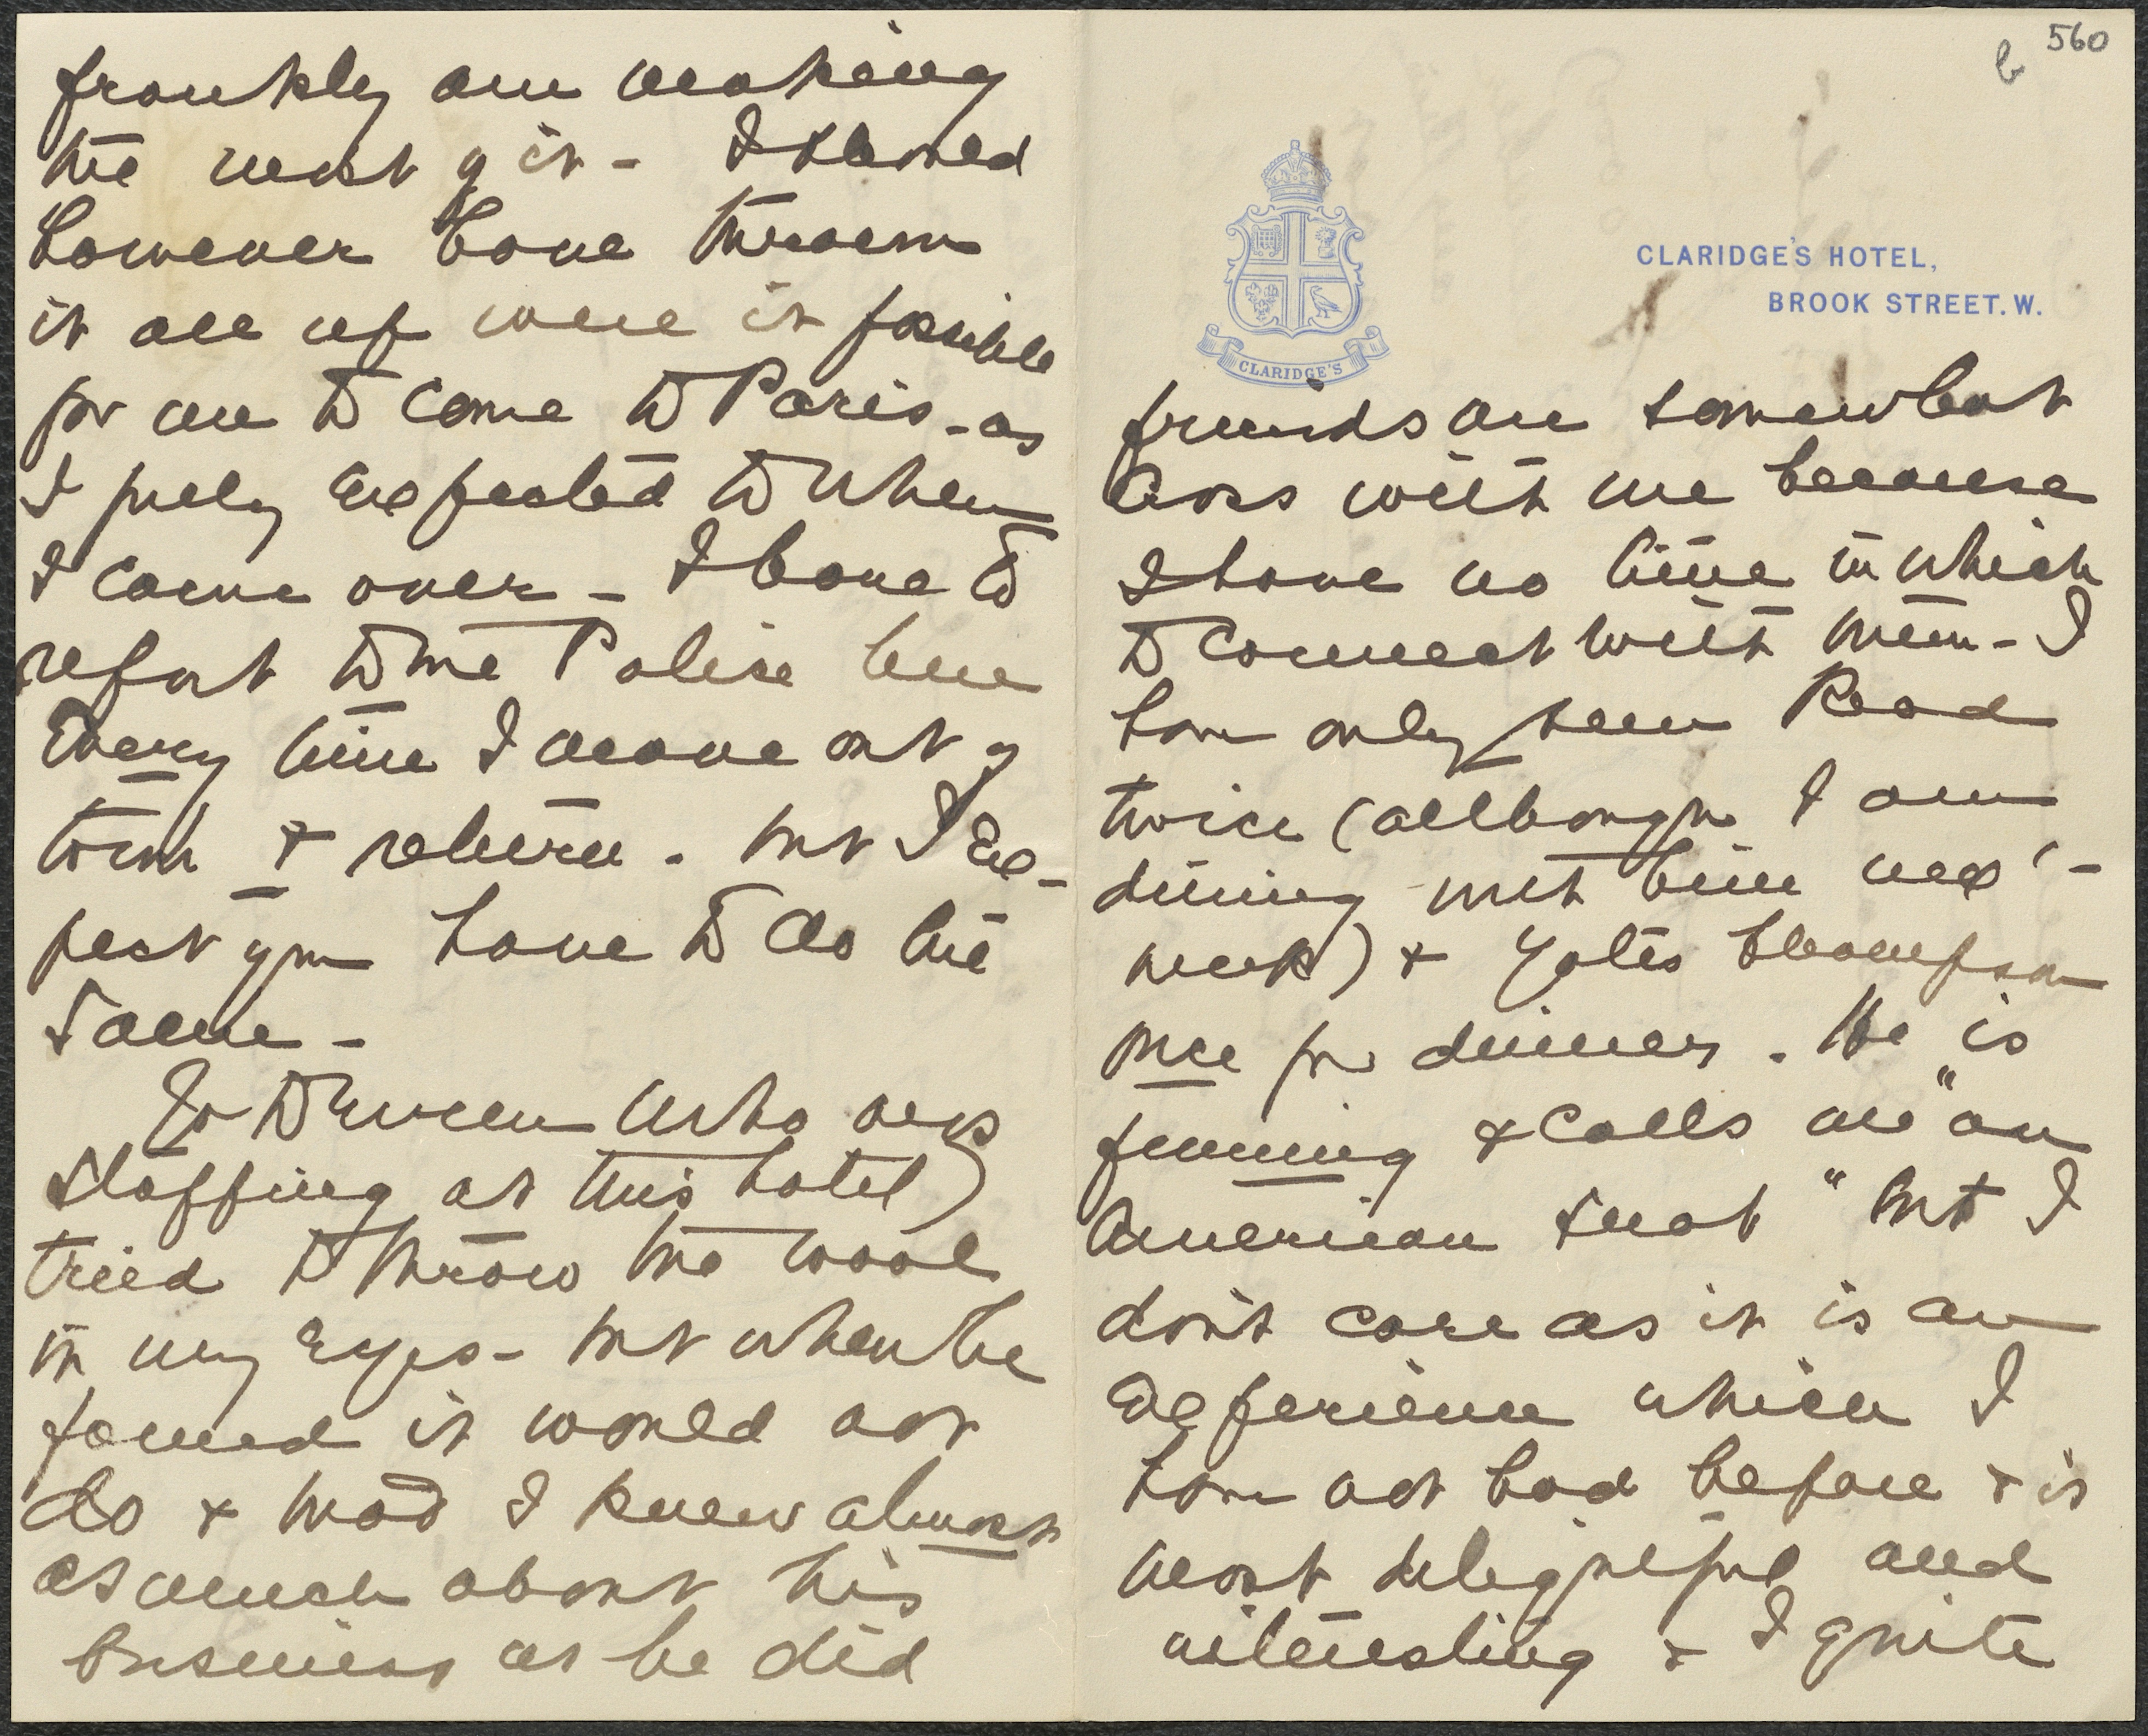friends are somewhat cross with me because I have no time in which to connect with them – I have only seen Read twice (although I am dining with him next week) & Yates Thompson once for dinner. He is preening & calls me “an American snob” but I don’t care as it is an experience which I have not had before & is most delightful and interesting & I quite
frankly am making the most of it – I should however have thrown it all up were it possible for me to come to Paris – as I fully expected to when I came over – I have to report to the Police here every time I move out of town & return – but I expect you have to do the same –
Jo Duveen who was stopping at this hotel tried to throw the wool in my eyes – but when he found it would not do & that I knew almost as much about his business as he did